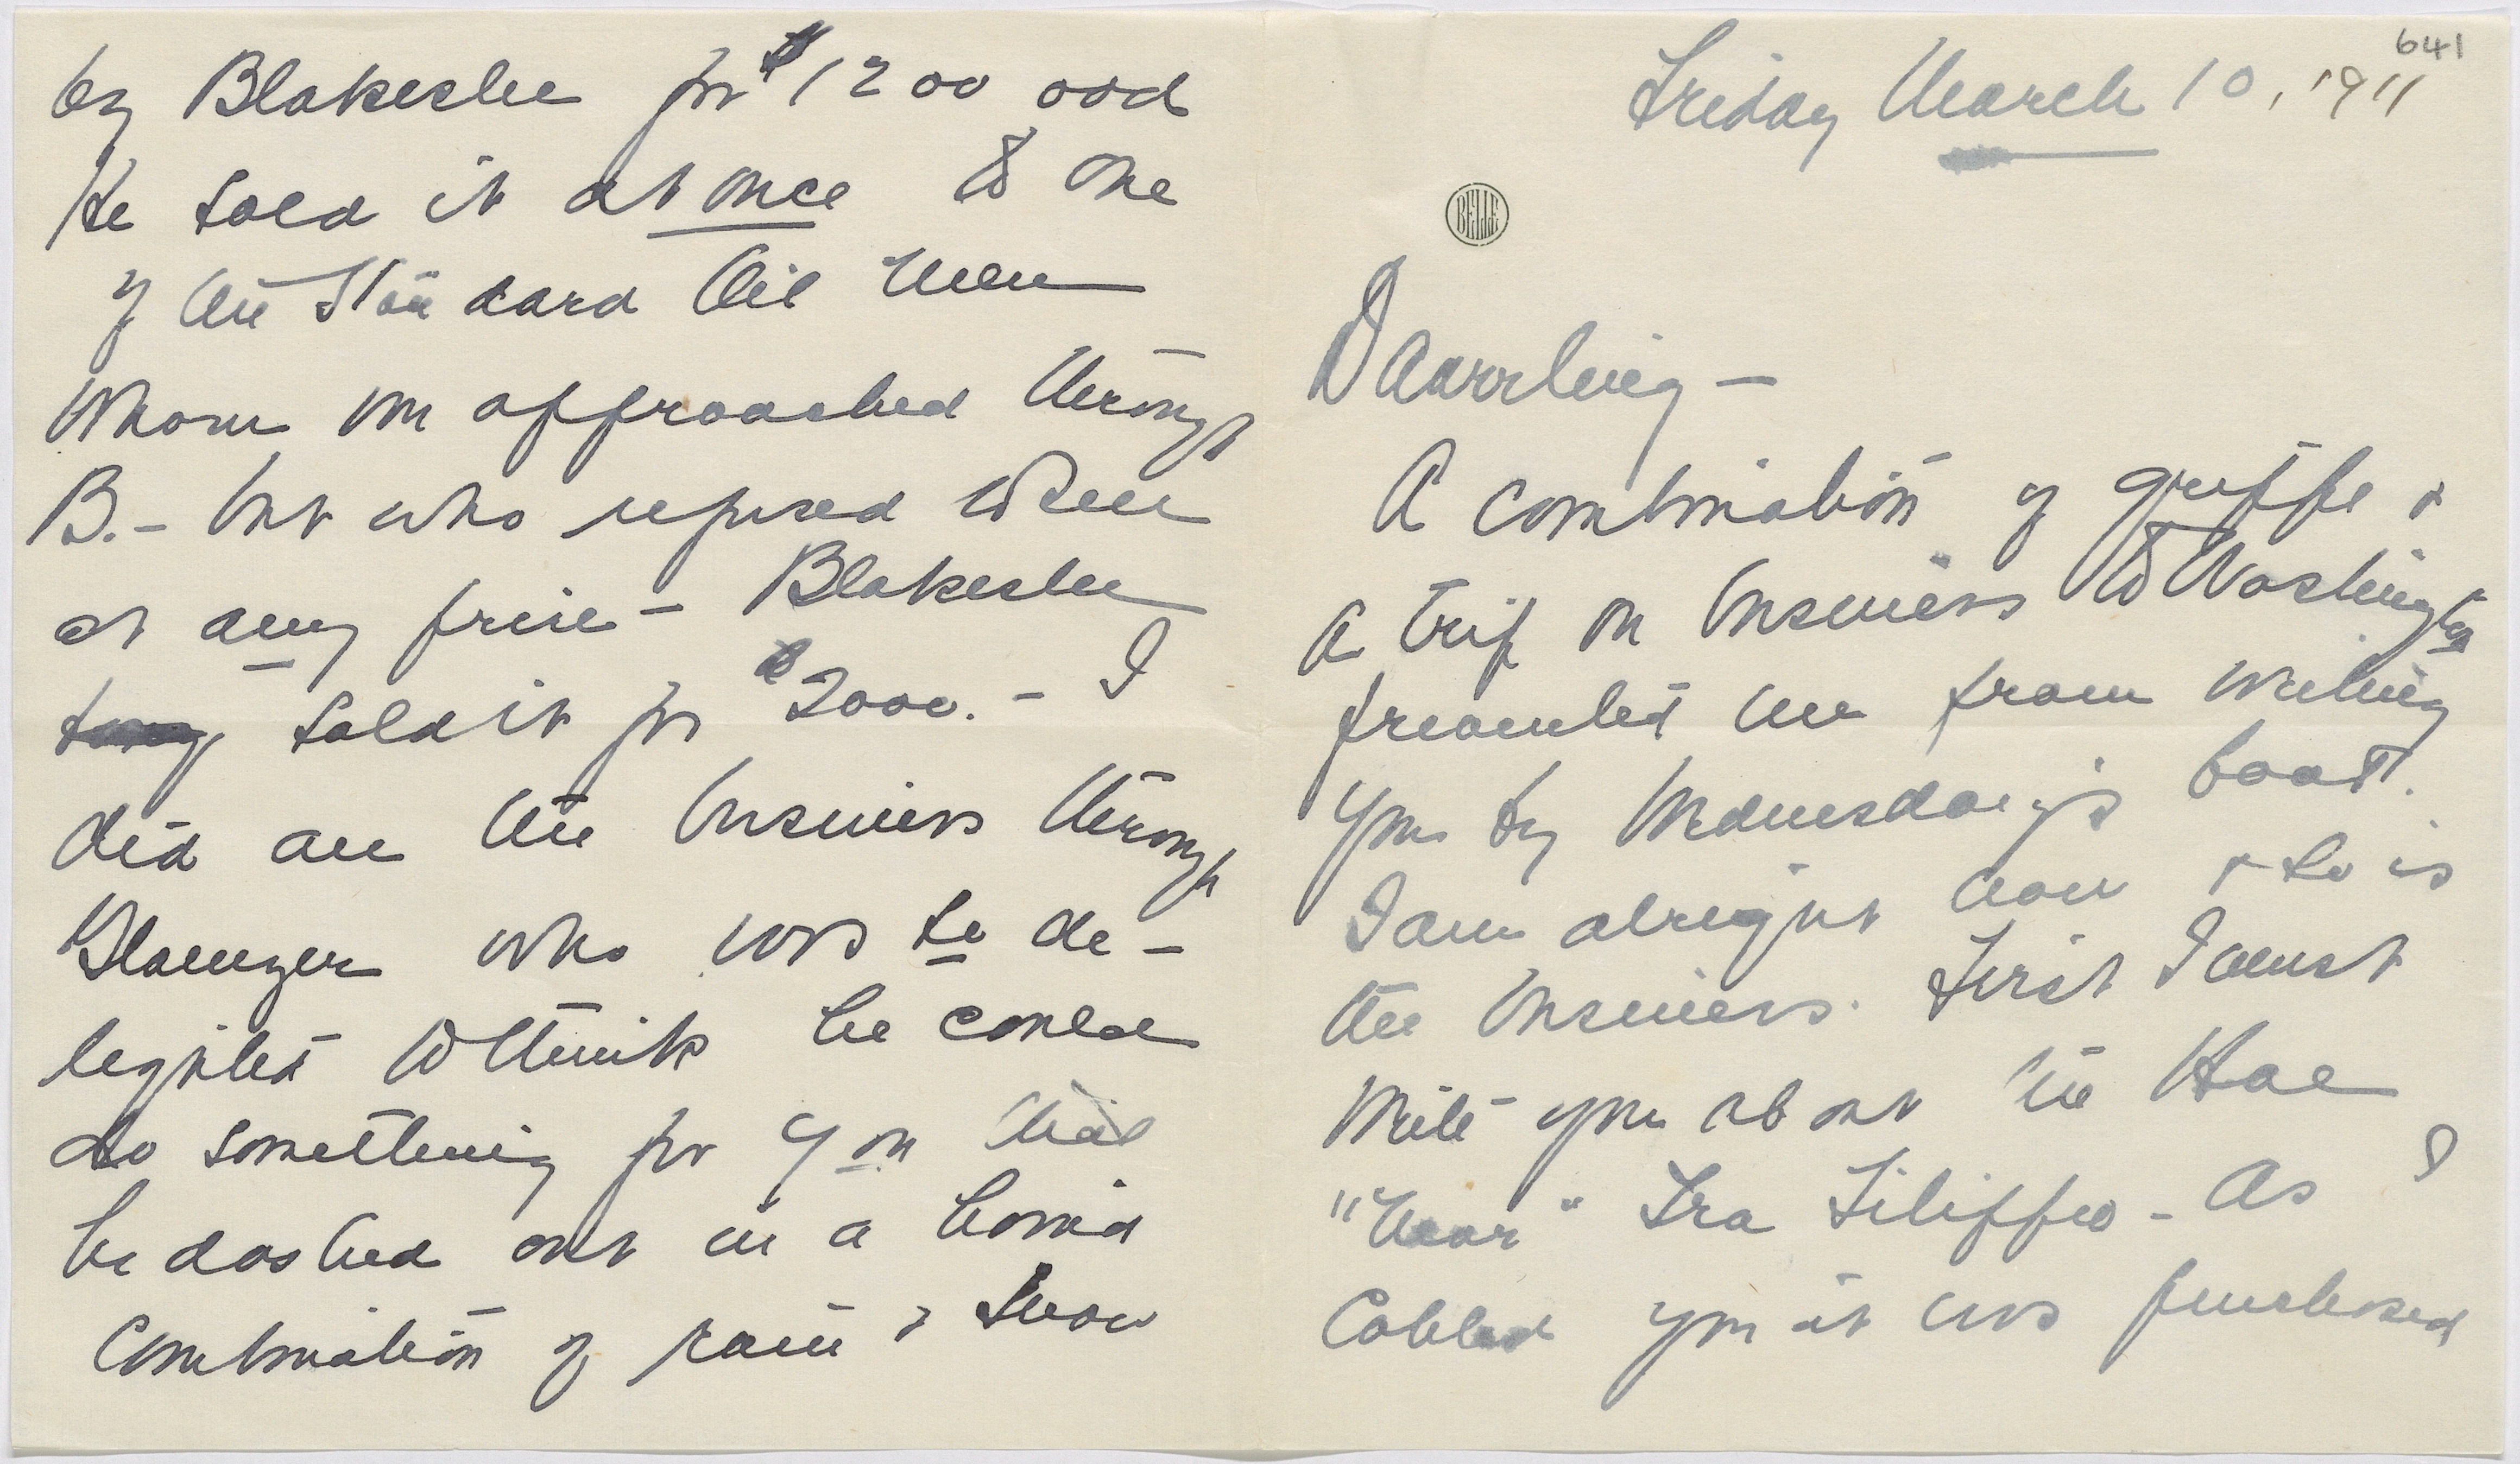Friday March 10
–
Daarrling –
A combination of grippe & a trip on business to Washington prevented me from writing you by Wednesday’s boat. I am alright now & so is the business. First I must write you about the Hoe “Near” Fra Filippo – As I cabled you it was purchased
by Blakeslee for $1200 odd He sold it at once to one of the Standard Oil men whom we approached through B. – but who refused to sell at any price – Blakeslee boug sold it for $2000. I did all the business through Glaenzer who was so delighted to think he could do something for you that he dashed out in a horrid combination of rain & snow